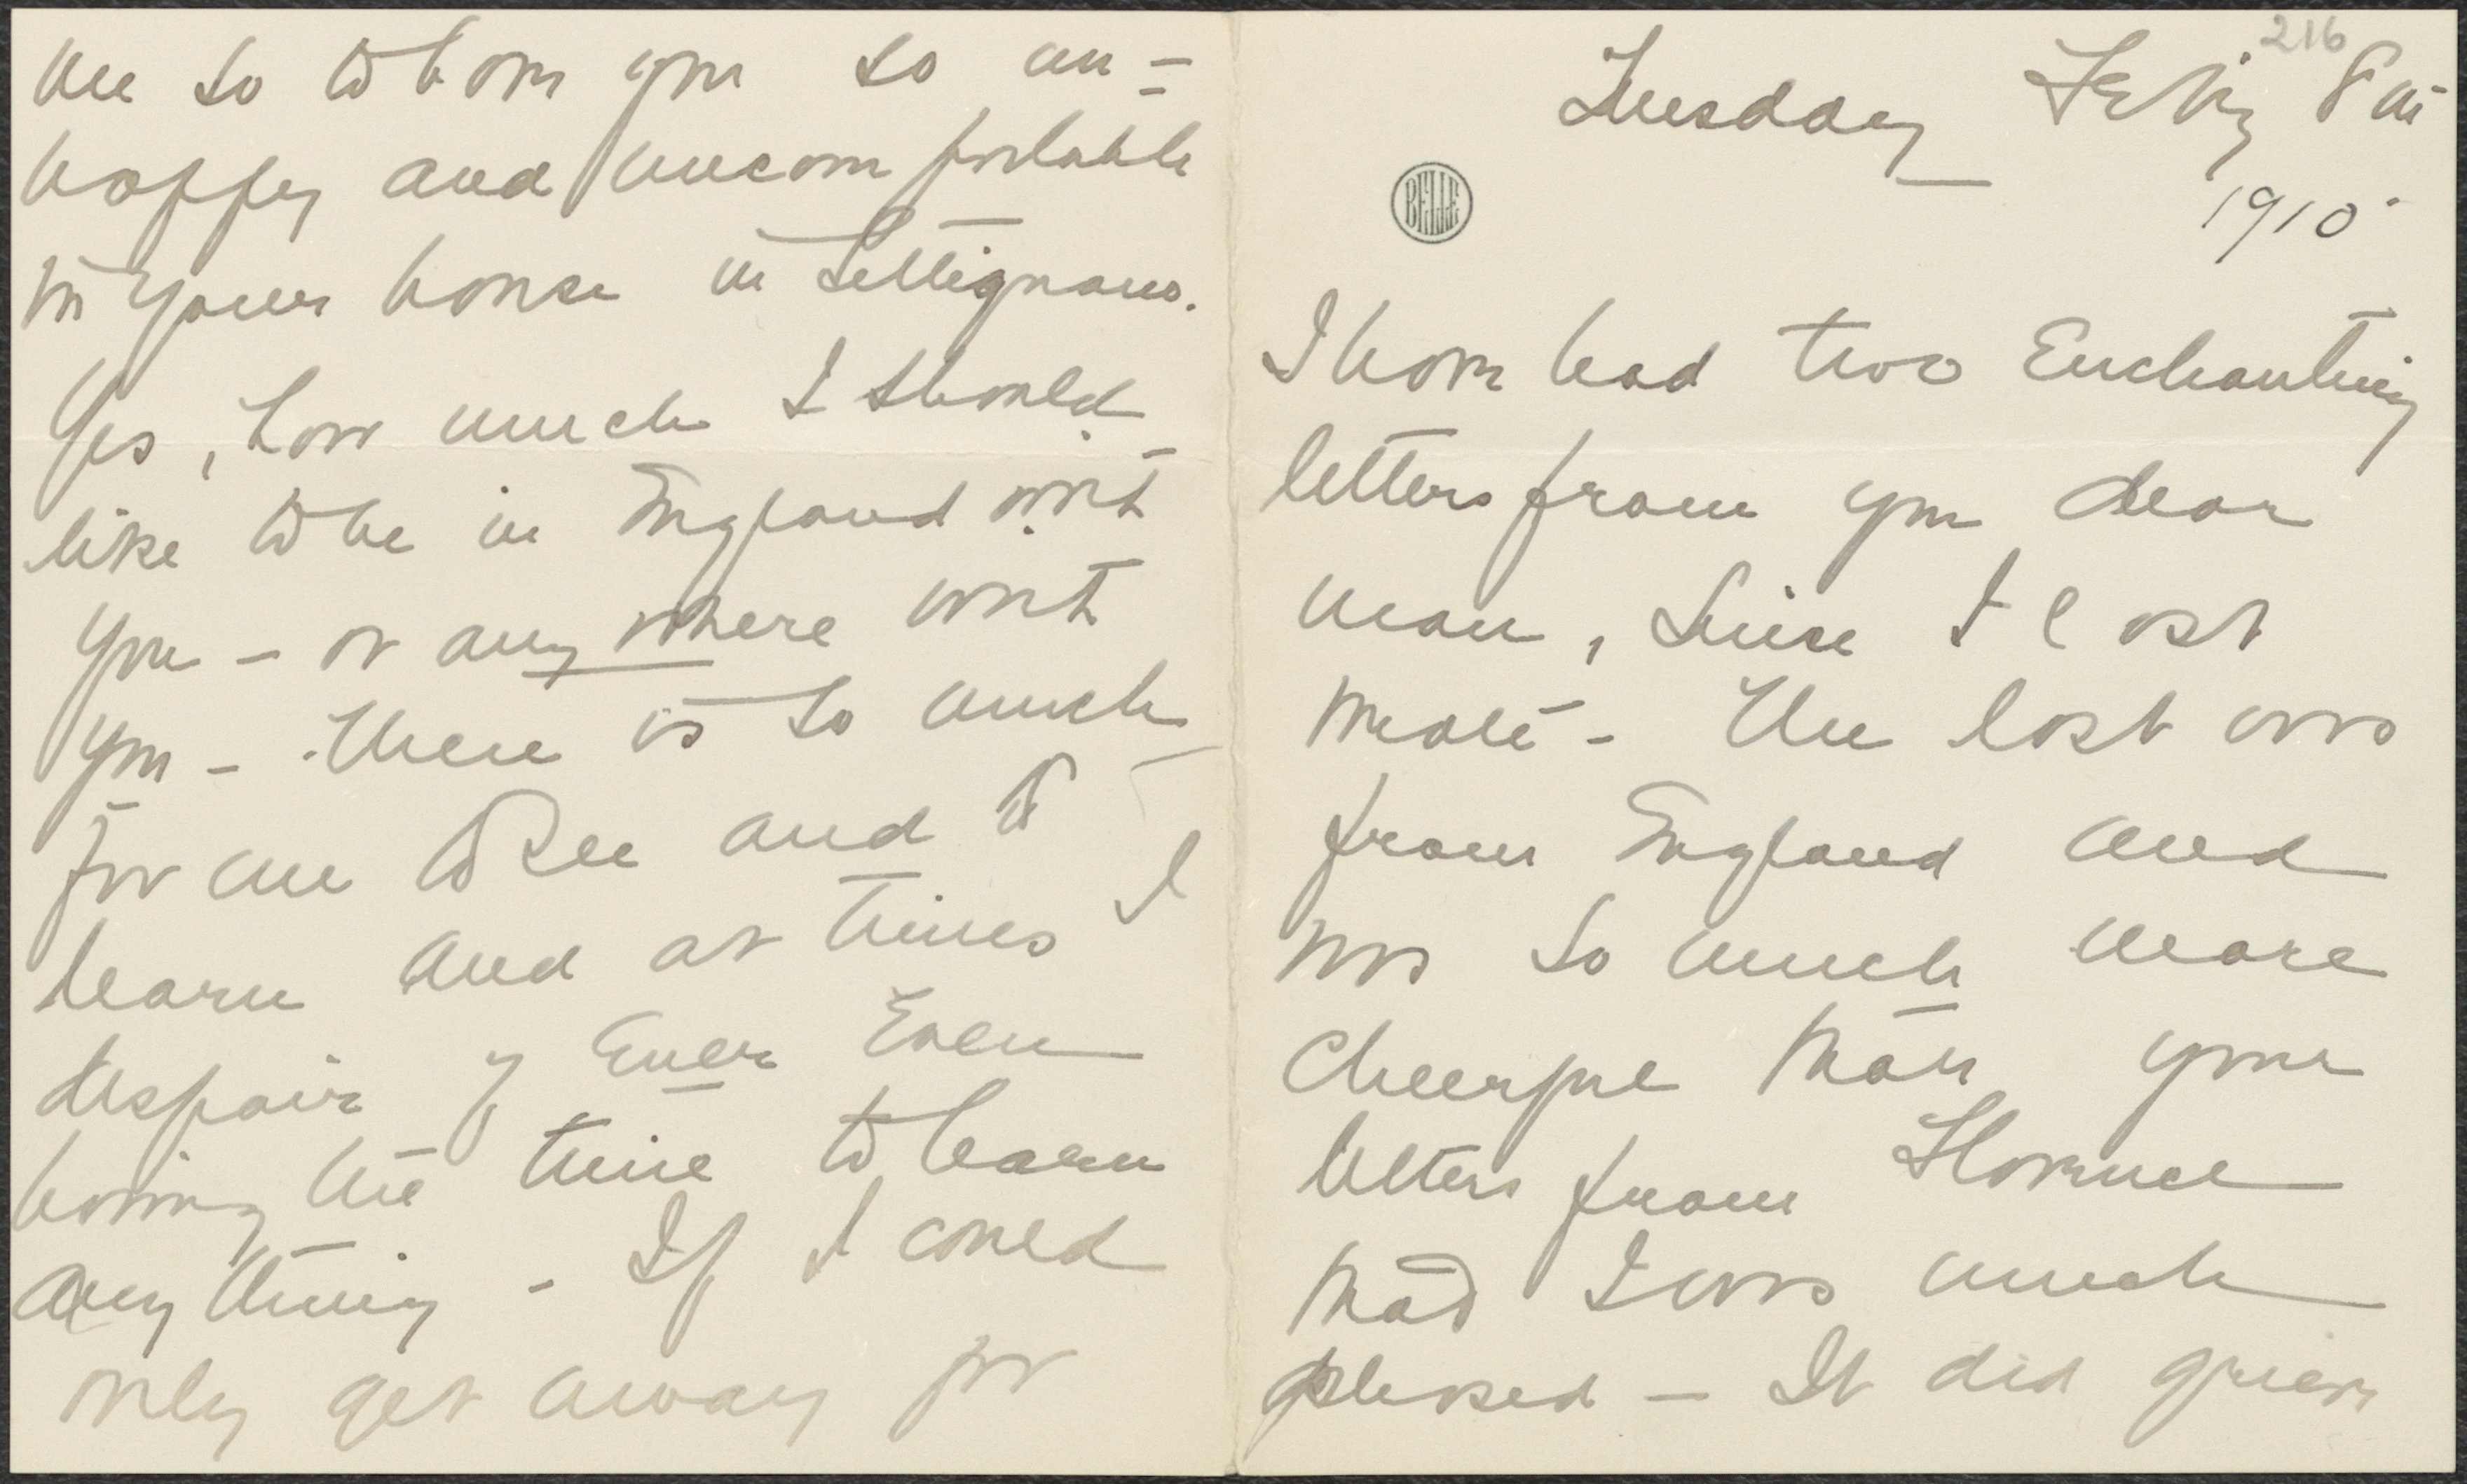Tuesday Febr 8th
I have had two enchanting letters from you dear man, since I last wrote – The last was from England and was so much more cheerful than your letters from Florence that I was much pleased – It did grieve
me so to have you so unhappy and uncomfortable in your house in Settignano. Yes, how much I should like to be in England with you – or any where with you – There is so much for me to see and to learn and at times I despair of ever even having the time to learn any thing – If I could only get away for